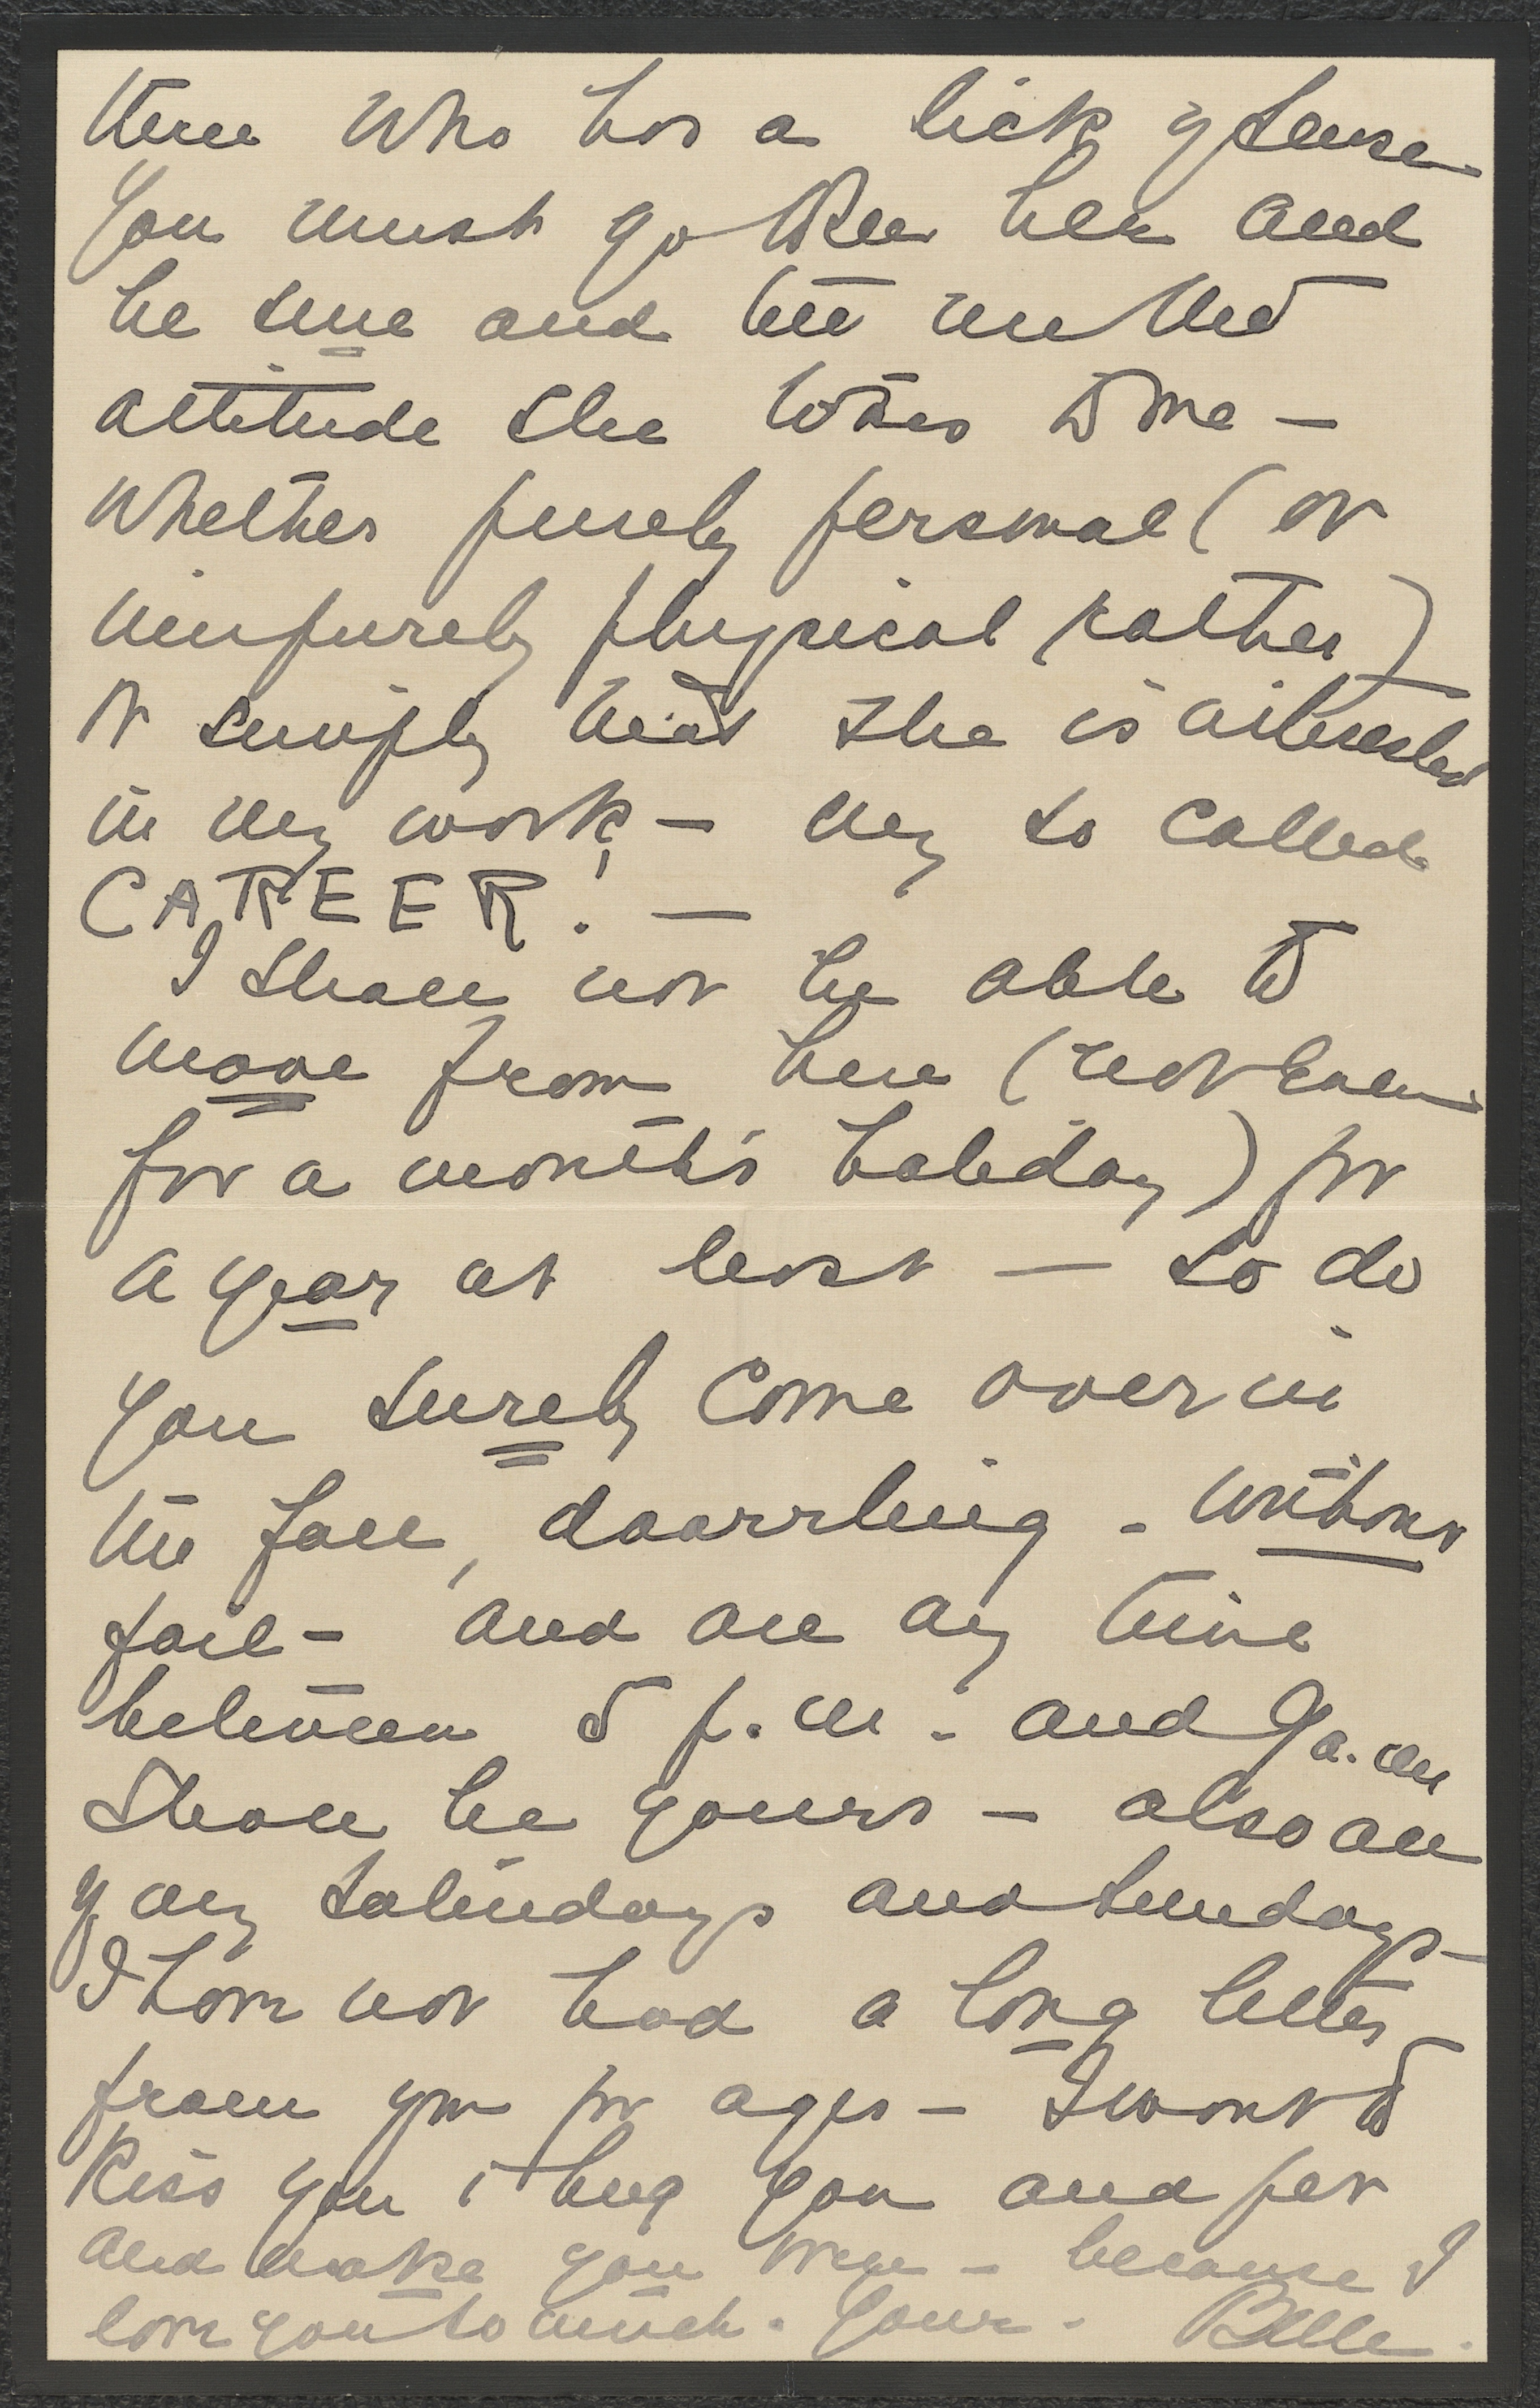three who has a lick of sense you must go to see her and be sure and tell me the attitude she takes to me – whether purely personal (or impurely physical rather) or simply that she is interested in my work – my so called CAREER! –
I shall not be able to [double underlined: move] from here (nor each for a month’s holiday) for a year at least – so do you [double underlined: surely] come over in the fall, daarrling – without fail – and all my time between 5 p. m. – and 9 a. m. shall be yours – also all of my Saturdays and Sundays – I have not had a long letter from you for ages – I want to kiss you, hug you and pet and make you well – because I love you so much. Your – Belle